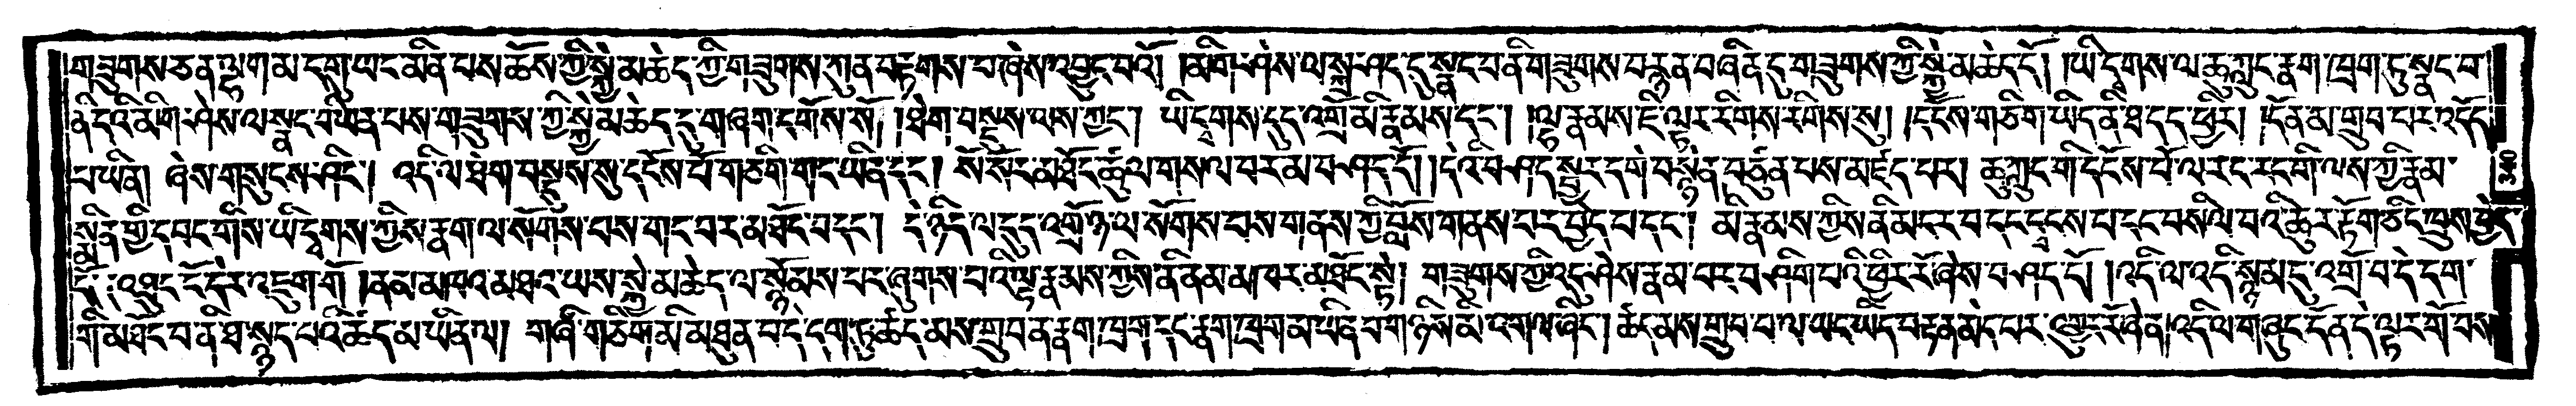གཟུགས་ཅན་ལྷག་མ་དགུ་ཡང་མིན་པས་ཆོས་ཀྱི་སྐྱེ་མཆེད་ཀྱི་གཟུགས་ཀུན་བརྟགས་པ་ཞེས་འབྱུང་བའོ། །མིག་ཤེས་ལ་སྐྲ་ཤད་དུ་སྣང་བ་ནི་གཟུགས་བརྙན་བཞིན་དུ་གཟུགས་ཀྱི་སྐྱེ་མཆེད་དོ། །ཡི་དྭགས་ལ་ཆུ་ཀླུང་རྣག་ཁྲག་ཏུ་སྣང་བ་
ནི་དེའི་མིག་ཤེས་ལ་སྣང་བ་ཡིན་པས་གཟུགས་ཀྱི་སྐྱེ་མཆེད་དུ་གཞག་དགོས་སོ། །ཐེག་བསྡུས་ལས་ཀྱང་། ཡི་དྭགས་དུད་འགྲོ་མི་རྣམས་དང་། །ལྷ་རྣམས་ཇི་ལྟར་རིགས་རིགས་སུ། །དངོས་གཅིག་ཡིད་ནི་ཐ་དད་ཕྱིར། །དོན་མ་གྲུབ་པར་འདོད་
པ་ཡིན། ཞེས་གསུངས་ཤིང་། འདི་ལ་ཐེག་བསྡུས་སུ་དངོས་པོ་གཅིག་གང་ཡིན་དང་། སོ་སོར་མཐོང་ཚུལ་གསལ་བར་མ་བཤད་དོ། །དེའི་བཤད་སྦྱར་དགེ་བསྙེན་བཙུན་པས་མཛད་པར། ཆུ་ཀླུང་གི་དངོས་པོ་ལ་རང་རང་གི་ལས་ཀྱི་རྣམ་
སྨིན་གྱི་དབང་གིས་ཡི་དྭགས་ཀྱིས་རྣག་ལ་སོགས་པས་གང་བར་མཐོང་བ་དང་། དེ་ཉིད་ལ་དུད་འགྲོ་ཉ་ལ་སོགས་པས་གནས་ཀྱི་བློས་གནས་པར་བྱེད་པ་དང་། མི་རྣམས་ཀྱིས་ནི་མངར་བ་དང་དྭངས་པ་དང་བསིལ་བའི་ཆུར་རྟོག་ཅིང་ཁྲུས་བྱེད་
དོ༑ ༑འཐུང་ངོ་དེར་འཇུག་གོ །ནམ་མཁའ་མཐའ་ཡས་སྐྱེ་མཆེད་ལ་སྙོམས་པར་ཞུགས་པའི་ལྷ་རྣམས་ཀྱིས་ནི་ནམ་མཁར་མཐོང་སྟེ། གཟུགས་ཀྱི་འདུ་ཤེས་རྣམ་པར་བཤིག་པའི་ཕྱིར་རོ་ཞེས་བཤད་དོ། །འདི་ལ་འདི་སྙམ་དུ་འགྲོ་བ་དེ་དག་
གི་མཐོང་བ་ནི་ཐ་སྙད་པའི་ཚད་མ་ཡིན་ལ། གཞི་གཅིག་མི་མཐུན་པ་དེ་དག་ཏུ་ཚད་མས་གྲུབ་ན་རྣག་ཁྲག་དང་རྣལ་ཁྲག་མ་ཡིན་པ་གཉིས་མི་འགལ་ཞིང་། ཚད་མས་གྲུབ་པ་ལ་ཡང་ཡིད་བརྟན་མེད་པར་འགྱུར་རོ་ཞེ་ན། འདི་ལ་གཞུང་དོན་དེ་ལྟར་གོ་བས་